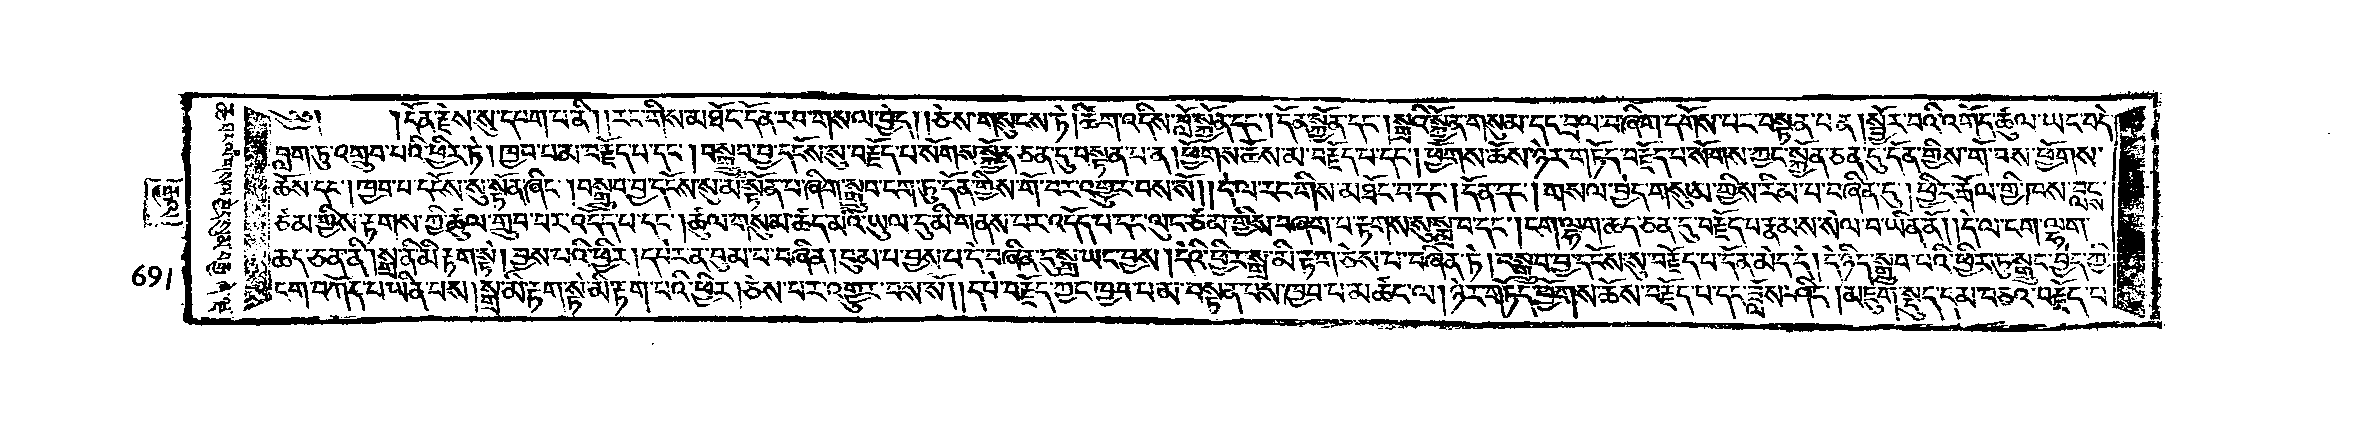༄༅། །དོན་རྗེས་སུ་དཔག་པ་ནི། །རང་གིས་མཐོང་དོན་རབ་གསལ་བྱེད། །ཅེས་གསུངས་ཏེ། ཚིག་འདིས་བློ་སྐྱོན་དང་། དོན་སྐྱོན་དང་། སྒྲའི་སྐྱོན་གསུམ་དང་བྲལ་བ་ཞིག་དགོས་པར་བསྟན་པ་ན། སྤྱོར་བའི་འགོད་ཚུལ་ཡང་བདེ་
བླག་ཏུ་འགྲུབ་པའི་ཕྱིར་ཏེ། ཁྱབ་པ་མ་བརྗོད་པ་དང་། བསྒྲུབ་བྱ་དངོས་སུ་བརྗོད་པ་སོགས་སྐྱོན་ཅན་དུ་བསྟན་པ་ན། ཕྱོགས་ཆོས་མ་བརྗོད་པ་དང་། ཕྱོགས་ཆོས་ཉེར་གཏོད་བརྗོད་པ་སོགས་ཀྱང་སྐྱོན་ཅན་དུ་དོན་གྱིས་གོ་བས་ཕྱོགས་
ཆོས་དང་། ཁྱབ་པ་དངོས་སུ་སྟོན་ཞིང་། བསྒྲུབ་བྱ་དངོས་སུ་མི་སྟོན་པ་ཞིག་སྒྲུབ་དག་ཏུ་དོན་གྱིས་གོ་བར་འགྱུར་བས་སོ། །དེ་ལ་རང་གིས་མཐོང་བ་དང་། དོན་དང་། གསལ་བྱེད་གསུམ་གྱིས་རིམ་པ་བཞིན་དུ། ཕྱིར་རྒོལ་གྱི་ཁས་བླངས་
ཙམ་གྱིས་རྟགས་ཀྱི་ཚུལ་གྲུབ་པར་འདོད་པ་དང་། ཚུལ་གསུམ་ཚད་མའི་ཡུལ་དུ་མི་གནས་པར་འདོད་པ་དང་ལུང་ཙམ་གྱིས་བཞག་པ་རྟགས་སུ་སྨྲ་བ་དང་། ངག་ལྷག་ཆད་ཅན་དུ་བརྗོད་པ་རྣམས་སེལ་བ་ཡིན་ནོ། །དེ་ལ་ངག་ལྷག་
ཆད་ཅན་ནི། སྒྲ་ནི་མི་རྟག་སྟེ། བྱས་པའི་ཕྱིར། དཔེར་ན་བུམ་པ་བཞིན། བུམ་པ་བྱས་པ་དེ་བཞིན་དུ་སྒྲ་ཡང་བྱས། དེའི་ཕྱིར་སྒྲ་མི་རྟག་ཅེས་པ་བཞིན་ཏེ། བསྒྲུབ་བྱ་དངོས་སུ་བརྗོད་པ་དོན་མེད་དེ། དེ་ཉིད་སྒྲུབ་པའི་ཕྱིར་ཏུ་སྒྲུབ་བྱེད་ཀྱི་
དག་བཀོད་པ་ཡིན་པས། སྒྲ་མི་རྟག་སྟེ་མི་རྟག་པའི་ཕྱིར། ཅེས་པར་འགྱུར་བས་སོ། །དཔེ་བརྗོད་ཀྱང་ཁྱབ་པ་མ་བསྟན་པས་ཁྱབ་པ་མཚང་ལ། ཉེར་གཏོད་ཕྱོགས་ཆོས་བརྗོད་པ་དང་ཟློས་ཤིང་། མཇུག་སྡུད་དམ་བཅའ་བརྗོད་པ་